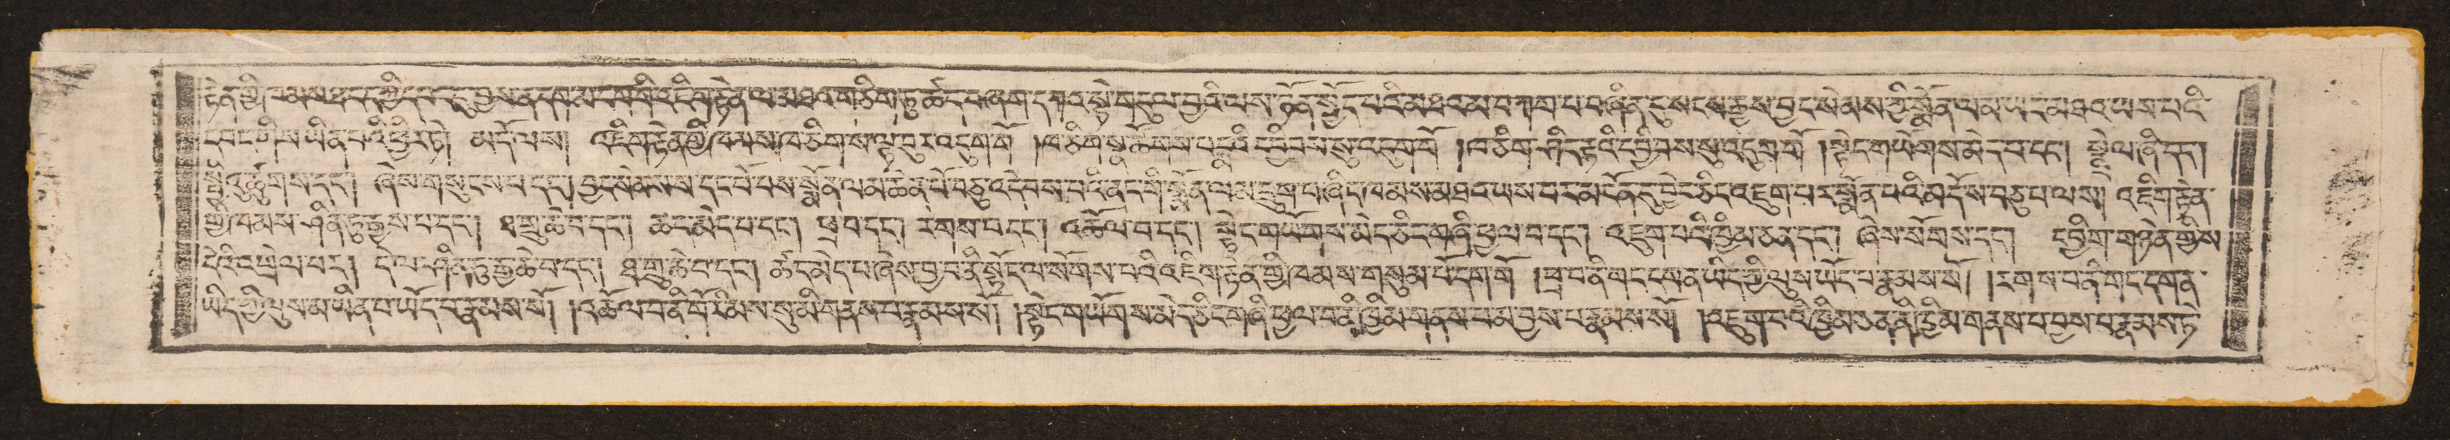རྟེན་གྱི་ཁམས་ཐ་དད་ཀྱི་དབང་དུ་བྱས་ན་དག་མདག་གི་འཇིག་རྟེན་ལ་མཐའ་གཅིག་ཅུ་ཚད་བཞག་དཀའ་སྟེ་གདུལ་བྱའི་ལས་ཉོན་སྤྱོད་པའི་མཐའ་མ་བཀག་པ་བཞིན་དུ་སངས་རྒྱས་བྱང་སེམས་ཀྱི་སྨོན་ལམ་ཡང་མཐའ་ཡས་པའི་
དབང་གིས་ཡིན་པའི་ཕྱིར་ཏེ། མདོ་ལས། འཇིག་རྟེན་གྱི་ཁམས་ཁ་ཅིག་ས་ལྟ་བུར་འདུག་གོ །ཁ་ཅིག་སྣ་ཚོགས་པདམའི་དབྱིབས་སུ་འདུག་གོ །ཁ་ཅིག་ཤིང་རྟའི་དབྱིབས་སུ་འདུག་གོ །སྟེང་གཡོགས་མེད་པ་དང་། སྣྲེལ་ཞི་དང་།
སྤྱིའུ་ཚུགས་དང་། ཞེས་གསུངས་པ་དང་། བྱང་སེམས་ས་དང་པོ་བས་སྨོན་ལམ་ཆེན་པོ་བཅུ་འདེབས་པའི་ནང་གི་སྨོན་ལམ་དྲུག་བ་ཞིང་ཁམས་མཐའ་ཡས་བར་མངོན་དུ་བྱེད་ཅིང་འཇུག་པར་སྨོན་པའི་མདོས་བཅུ་པ་ལས། འཇིག་རྟེན་
གྱི་ཁམས་ཤིན་ཏུ་རྒྱས་པ་དང་། ཐ་གྲུ་ཆེ་བ་དང་། ཆད་མེད་པ་དང་། ཕྲ་བ་དང་། རེགས་པ་དང་། འཆོལ་བ་དང་། སྟེང་གཡོགས་མེད་ཅིང་གཞི་ཕྱལ་བ་དང་། འཇུག་པའི་ཁྱིམ་ཅན་དང་། ཞེས་སོགས་དང་། དབྱིག་གཉེན་གྱིས་
དེའི་འགྲེལ་པར། དེ་ལ་ཤིན་ཏུ་རྒྱ་ཆེ་བ་དང་། ཐ་གྲུ་ཆེ་བ་དང་། ཚད་མེད་བ་ཞེས་བྱ་བ་ནི་སྟོང་ལ་སོགས་པའི་འཇིག་རྟེན་གྱི་ཁམས་གསུམ་པོ་དག་གོ །ཕྲ་བ་ནི་གང་དག་ན་ཡིད་ཀྱི་ལུས་ཡོད་པ་རྣམས་སོ། །རགས་པ་ནི་གང་དག་ན་
ཡིད་ཀྱི་ལུས་མ་ཡིན་པ་ཡོད་པ་རྣམས་པོ། །འཆོལ་བ་ནི་གོ་རིམས་སུ་མི་གནས་པ་རྣམས་སོ། །སྟེང་གཡོགས་མེད་ཅིང་གཞི་ཕྱལ་བ་ནི་ཁྱིམ་གནས་པ་མ་བྱས་པ་རྣམས་སོ། །འཇུག་པའི་ཁྱིམ་ཅན་ནི་ཁྱིམ་གནས་པ་བྱས་བ་རྣམས་ཏེ་